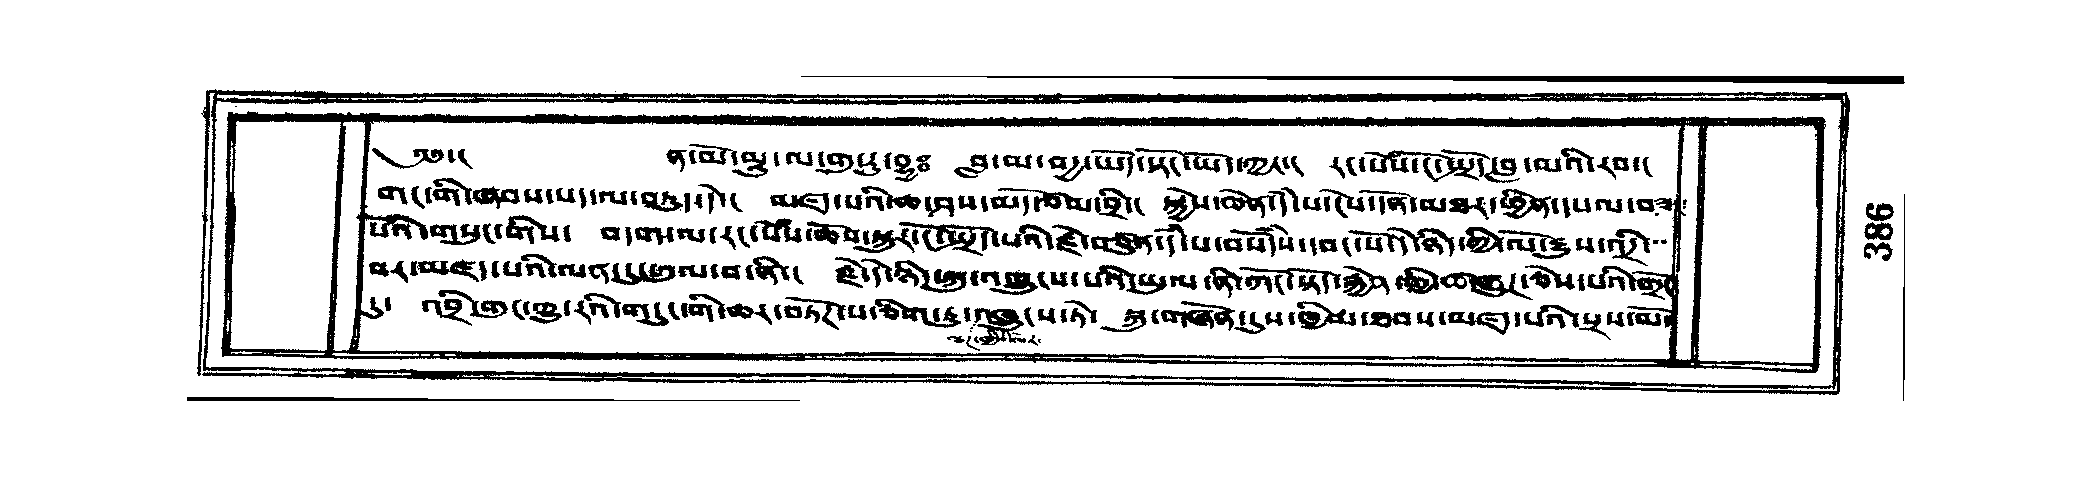ན་མོ་མཱུ་ལ་གུ་རུ་བྷྱཿ བླ་མ་བརྒྱ་ཡོད་སྟོང་ཡོད་ཀྱང་། །རང་སེམས་ངོ་སྤྲོད་བླ་མའི་རབ། །
གང་གི་ཞབས་པད་ལ་བཏུད་དེ། །མཛད་པའི་ཆ་ཤས་མདོ་ཙམ་བྲི། སྐྱེས་ཆེན་དམ་པ་ངེས་དོན་མཐར་ཕྱིན་དཔལ་བཟང་
པོའི་གསུང་གིས། བདག་ལ་རང་སེམས་ཆོས་སྐུར་ངོ་སྤྲོད་པའི་རྗེ་བཙུན་དམ་པ་བསོད་ནམས་དབང་པོ་དེ་ཉིད་ཀྱི་ལོ་རྒྱུས་འདྲི་
བར་མཛད་པའི་ལན་དུ་ཕུལ་བ་ནི། རྗེ་དེ་ཉིད་སྐུ་འཁྲུངས་སའི་ཡུལ་ནི་ཀོང་སྟོད་རྐྱེན་གྱི་ཚ་ཞུགས་ཅེས་པའི་གྲོང་
དུ། འབྲི་གུང་ཀྱུ་རའི་གདུང་གི་ཆར་བཏོགས་པ་ཅཞག་ཏུ་ལྕགས་ཁྱིའི་ལོར་འཁྲུངས་ཏེ། སྐུ་གཞོན་དུས་ཁྱིམ་ཐབས་མཛད་པའི་སྲས་མོ་